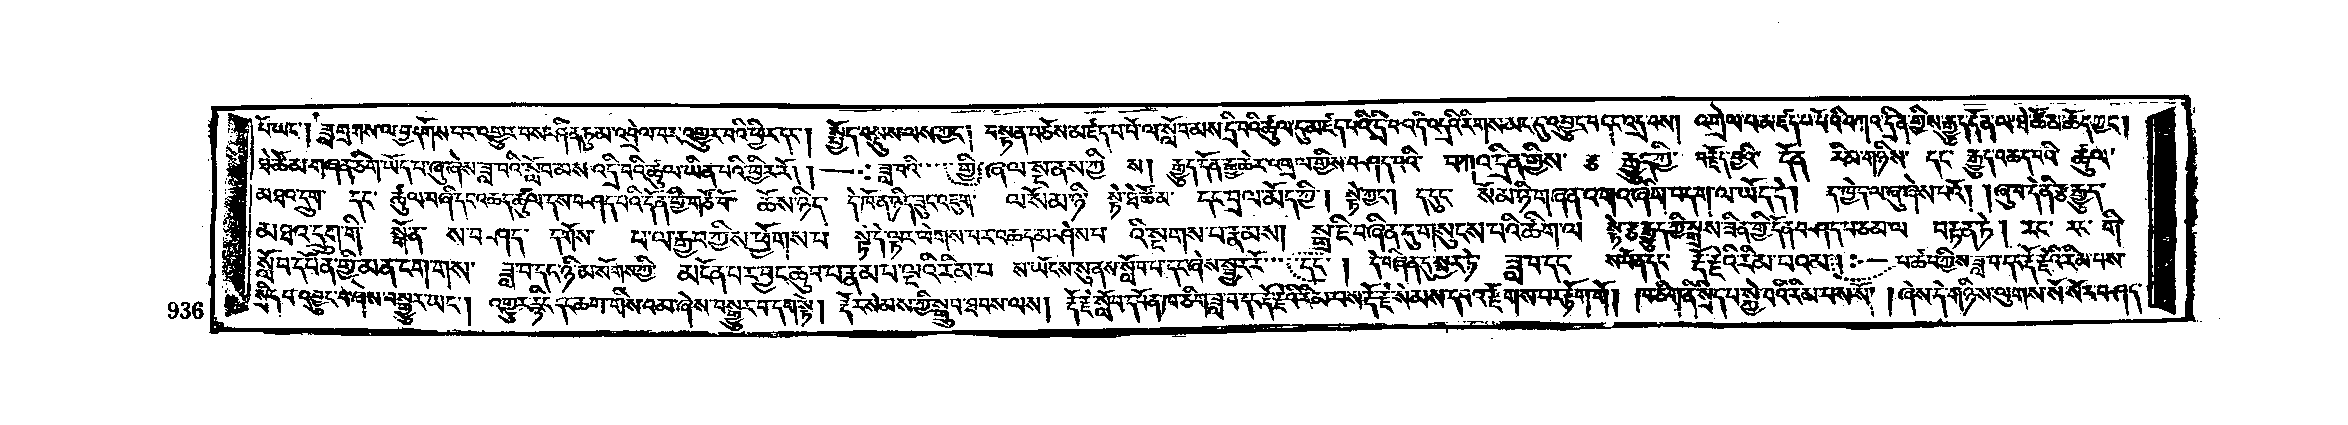པོ་ཡང་། ཟླ་གྲགས་ལ་བྱ་དགོས་པར་འགྱུར་བས་ཤིན་ཏུ་མ་འབྲེལ་བར་འགྱུར་བའི་ཕྱིར་དང་། སྤྱོད་བསྡུས་ལས་ཀྱང་། བསྟན་བཅོས་མཛད་པ་པོ་ལ་སློབ་མས་དྲི་བའི་ཚུལ་དུ་མཛད་པའི་དྲི་བ་འདི་འདྲའི་རིགས་མང་དུ་འབྱུང་བ་དང་འདྲ་བས། འགྲེལ་པ་མཛད་པ་པོའི་བཀའ་དྲིན་གྱིས་རྒྱུད་དོན་ལ་ཐེ་ཚོམ་ཆོད་ཀྱང་།
ཐེ་ཚོམ་གཞན་ཅིག་ཡོད་པ་ཞུ་ཞེས་ཟླ་བའི་སློབ་མས་འདྲི་བའི་ཚུལ་ཡིན་པའི་ཕྱིར་རོ། ། .H ཟླ་བའི་གྱི་ཞལ་སྔ་ནས་ཀྱིས། རྒྱུད་དོན་རྒྱ་ཆེར་འགྲེལ་གྱིས་བཤད་པའི་བཀའ་དྲིན་གྱིས་རྩ་རྒྱུད་ཀྱི་བརྗོད་བྱའི་དོན་རིམ་གཉིས་དང་རྒྱུད་འཆད་པའི་ཚུལ་
མཐའ་དྲུག་དང་ཚུལ་བཞི་དང་འཆད་ཚུལ་དས་བཤད་པའི་དོན་གྱི་གཙོ་བོ་ཆོས་ཉིད་དེ་ཁོ་ན་ཉིད་ཟུང་འཇུག་ལ་སོམ་ཉི་སྟེ་ཐེ་ཚོམ་དང་བྲལ་མོད་ཀྱི། སྟེ་ཀྱང་། ད་དུང་སོམ་ཉི་གཞན་འགའ་ཞིག་བདག་ལ་ཡོད་དེ། ད་ཁྱེད་ལ་ཞུ་ཞེས་པའོ། །ཞུ་བ་དེ་ནི་རྩ་རྒྱུད
མཐའ་དྲུག་གི་སྒོ་ནས་བཤད་དགོས་པ་ལ་རྒྱབ་ཀྱིས་ཕྱོགས་པ་སྟེ་དེ་ལྟར་ལེགས་པར་འཆད་མ་ཤེས་པའི་སྔགས་པ་རྣམས། སྒྲ་ཇི་བཞིན་དུ་གསུངས་པའི་ཚིག་ལ་སྟེ་རྩ་རྒྱུད་ཀྱི་སྒྲས་ཟིན་གྱི་དོན་བཤད་པ་ཙམ་ལ་བརྟན་ཏེ། རང་རང་གི་
སློབ་དཔོན་གྱི་མན་ངག་གིས་ཟླ་བ་དང་ཉི་མ་སོགས་ཀྱི་མངོན་པར་བྱང་ཆུབ་པ་རྣམ་པ་ལྔའི་རིམ་པས་ཡོངས་སུ་ནས་སློབ་པ་དང་ཞེས་སྦྱར་རོ་དང་། དེ་བཞིན་དུ་སྦྱར་ཏེ་ཟླ་བ་དང་ས་བོན་དང་རྡོ་རྗེའི་རིམ་པའམ། H.་པ་ཚབ་ཀྱིས་ཟླ་བ་དང་རྡོ་རྗེའི་རིམ་པས་
སྲིད་པ་འབྱུང་བ་ཞེས་བསྒྱུར་ཡང་། འགྱུར་རྙིང་དང་ཆག་གིས་འམ་ཞེས་བསྒྱུར་བ་དག་སྟེ། རྡོར་སེམས་ཀྱི་སྒྲུབ་ཐབས་ལས། རྡོ་རྗེ་སློབ་དཔོན་ཁ་ཅིག་ཟླ་བ་དང་རྡོ་རྗེའི་རིམ་པས་རྡོ་རྗེ་སེམས་དཔའ་རྫོགས་པར་རྟོག་གོ །ཁ་ཅིག་ནི་སྲིད་པ་སྐྱེ་བའི་རིམ་པས་སོ། །ཞེས་དེ་གཉིས་ལུགས་སོ་སོར་བཤད